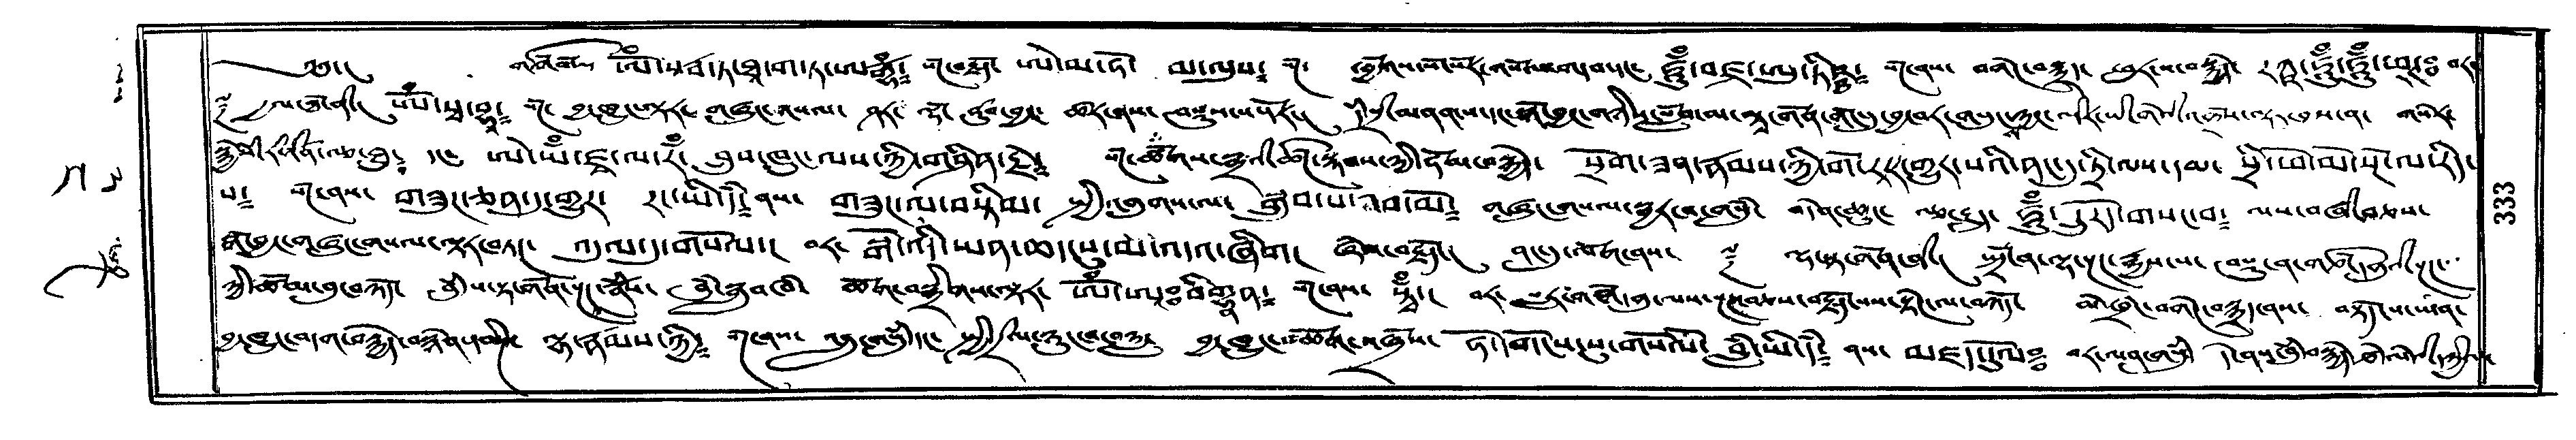གཙོ་བོས། ཨོཾ་སརྦ་ཏ་ཐཱ་ག་ཏ་ཨརྒྷཾ༴ སོགས་བརྗོད། ཨེ་མ་ཧོ༔ མ་ལུས༴ སོགས། ཕྱོགས་སོ་སོར་གསོལ་གདབ་དང་། ཧཱུྃ་བཛྲ་ཨུ་ཏིཥྛ༴ སོགས་ནས། བགེགས་བསྐྲད། ཕུར་པ་བསྐྱེད། རཀྵ་ཧཱུྃ་ཧཱུྃ་ཕཊ་ཕཊཿ བར། 
རྒྱལ་ཐོ་ནི། ཨོཾ་སྭ་བྷཱ༴ སོགས། བྱ་ཁྱུང་ལྟར། གཞུང་གསལ་ཤར་ལྷོ་ནུབ་བྱང་ཚར་ནས། བསྡུས་པ་དོར། དམ་སྲི་མནན་པ་དང་སྒོ་བྱང་གཉིས་སློབ་མ་སྟ་གོན་གྱི་གོང་དུ་བྱ་བར་གསུངས་ཀྱང་འདིར་ཡི་གེའི་འགྲོས་ལྟར་བྱས་ན། གསེར་
སྐྱེམས་རིག་འཛིན་རྩ་རྒྱུད་དང་། ཨེ་ཡྃ་ཛྭ་ལ་རྃ༔ བྲུབ་ཁུང་ལས་ཀྱི་གཤིན་རྗེ༴ སོགས་ཚངས་སྒྲའི་ཚོགས་སྐབས་ཀྱིཧོམ་བསྐྱེད། སྲོག་ཟན་རྣམས་ཀྱི་གོ་རར་གྱུར་པའི་ནང་དུ་ཏྲི་ལས་དམ་སྲི་ཕོ་མོ་སྔོ་ལ་རིད་
པ༴ སོགས་ནས། གཟུགས་ཅན་དུ་གྱུར༴ རང་ཡི་དམ༴ ནས། ས གཟུགས་ལ་བསྟིམ༴ སྤྱི་འགུགས་ལ། སྒྲུབ་པ་ཟབ་མོ༴ གཞུང་གསལ་སྦྱར་བ་གསུམ།བདེན་ཆུང་། རྩ་རྒྱུད། ཧཱུྃ༔ དུར་ཁྲོད་གསང་བ༴ ལས་བཞི་བཅས་
སྒོ་བྱང་གཞུང་གསལ་ལྟར་བཏང་། འདུལ་དུ་གསོལ༔ བར། སྒོ་འདི་ཡན་ཆད་དུ་སུ་ཡང་མ་འདའ་ཞིག༔ ཞེས་བརྗོད། ནང་དུ་ལོག་ནས། ༈ ལྷ་སྟ་གོན་ནི། སྤྲོ་ན་ལྷ་སྔགས་རྒྱས་པ། བསྡུ་ན་གཙོ་དགུའི་སྔགས་
ཀྱི་ཚོམ་བུ་དགཽད། བུམ་པ་སྟ་གོན་སྔགས་རྣམས་བུམ་སྒྲུབ་བམ་ཆོག་བསྒྲིགས་ལྟར། ཨོཾ་ཨཱཿབིགྷྣན༴ སོགས་ནས། སྟྭྃ༔ བར། སླར་གཙོ་དགུ་ལས་སྔགས་བཅས་བརྗོད་པས་སྟེགས་ལ་དགཽད། མེ་ཕྲེང་བགེགས་བསྐྲད་ནས་བསྟོད་པ་ཡན། 
བྱ་ཁྱུང་བདག་བསྐྱེད་བསྙེན་དམིགས། ལྷ་རྣམས་ཀྱི༴ སོགས་ནས་འབྲུ་གསུམ་དང་སྤྱི་དྲིལ་ཉུང་བ་བཟླ། བྱ་ཁྱུང་ཆོག་འཕྲོས། ཧོཿདགོངས་སུ་གསོལ་ལོ་བླ་མ་ཡི་དམ༴ ནས། མཛད་དུ་གསོལ༔ བར་ལན་གསུམ། དེ་ནས་བུམ་བསྐྱེད་ཙེ་ལེའི་དཀྱིལ་